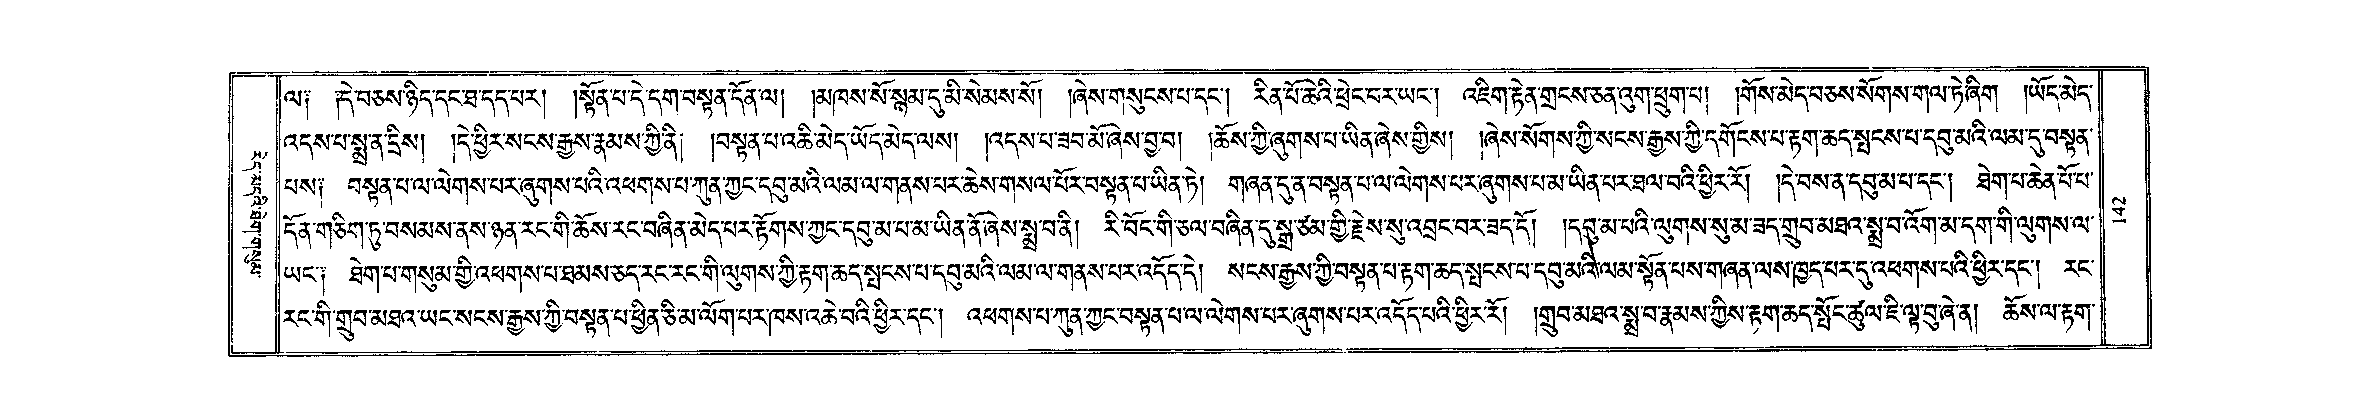ལ༑ ༑དེ་བཅས་ཉིད་དང་ཐ་དད་པར། །སྟོན་པ་དེ་དག་བསྟན་དོན་ལ། །མཁས་སོ་སྙམ་དུ་མི་སེམས་སོ། །ཞེས་གསུངས་པ་དང་། རིན་པོ་ཆེའི་ཕྲེང་བར་ཡང་། འཇིག་རྟེན་གྲངས་ཅན་འུག་ཕྲུག་པ། །གོས་མེད་བཅས་སོགས་གལ་ཏེ་ཞིག །ཡོད་མེད་
འདས་པ་སྨྲ་ན་དྲིས། །དེ་ཕྱིར་སངས་རྒྱས་རྣམས་ཀྱི་ནི། །བསྟན་པ་འཆི་མེད་ཡོད་མེད་ལས། །འདས་པ་ཟབ་མོ་ཞེས་བྱ་བ། །ཆོས་ཀྱི་ཞུགས་པ་ཡིན་ཞེས་གྱིས། །ཞེས་སོགས་ཀྱི་སངས་རྒྱས་ཀྱི་དགོངས་པ་རྟག་ཆད་སྤངས་པ་དབུ་མའི་ལམ་དུ་བསྟན་
པས༑ བསྟན་པ་ལ་ལེགས་པར་ཞུགས་པའི་འཕགས་པ་ཀུན་ཀྱང་དབུ་མའི་ལམ་ལ་གནས་པར་ཆེས་གསལ་པོར་བསྟན་པ་ཡིན་ཏེ། གཞན་དུ་ན་བསྟན་པ་ལ་ལེགས་པར་ཞུགས་པ་མ་ཡིན་པར་ཐལ་བའི་ཕྱིར་རོ། །དེ་བས་ན་དབུ་མ་པ་དང་། ཐེག་པ་ཆེན་པོ་པ་
དོན་གཅིག་ཏུ་བསམས་ནས་ཉན་རང་གི་ཆོས་རང་བཞིན་མེད་པར་རྟོགས་ཀྱང་དབུ་མ་པ་མ་ཡིན་ནོ་ཞེས་སྨྲ་བ་ནི། རི་བོང་གི་ཅལ་བཞིན་དུ་སྒྲ་ཙམ་གྱི་རྗེས་སུ་འབྲང་བར་ཟད་དོ། །དབུ་མ་པའི་ལུགས་སུ་མ་ཟད་གྲུབ་མཐའ་སྨྲ་བ་འོག་མ་དག་གི་ལུགས་ལ་
ཡང༑ ཐེག་པ་གསུམ་གྱི་འཕགས་པ་ཐམས་ཅད་རང་རང་གི་ལུགས་ཀྱི་རྟག་ཆད་སྤངས་པ་དབུ་མའི་ལམ་ལ་གནས་པར་འདོད་དེ། སངས་རྒྱས་ཀྱི་བསྟན་པ་རྟག་ཆད་སྤངས་པ་དབུ་མའི་ལམ་སྟོན་པས་གཞན་ལས་ཁྱད་པར་དུ་འཕགས་པའི་ཕྱིར་དང་། རང་
རང་གི་གྲུབ་མཐའ་ཡང་སངས་རྒྱས་ཀྱི་བསྟན་པ་ཕྱིན་ཅི་མ་ལོག་པར་ཁས་འཆེ་བའི་ཕྱིར་དང་། འཕགས་པ་ཀུན་ཀྱང་བསྟན་པ་ལ་ལེགས་པར་ཞུགས་པར་འདོད་པའི་ཕྱིར་རོ། །གྲུབ་མཐའ་སྨྲ་བ་རྣམས་ཀྱིས་རྟག་ཆད་སྤོང་ཚུལ་ཇི་ལྟ་བུ་ཞེ་ན། ཆོས་ལ་རྟག་